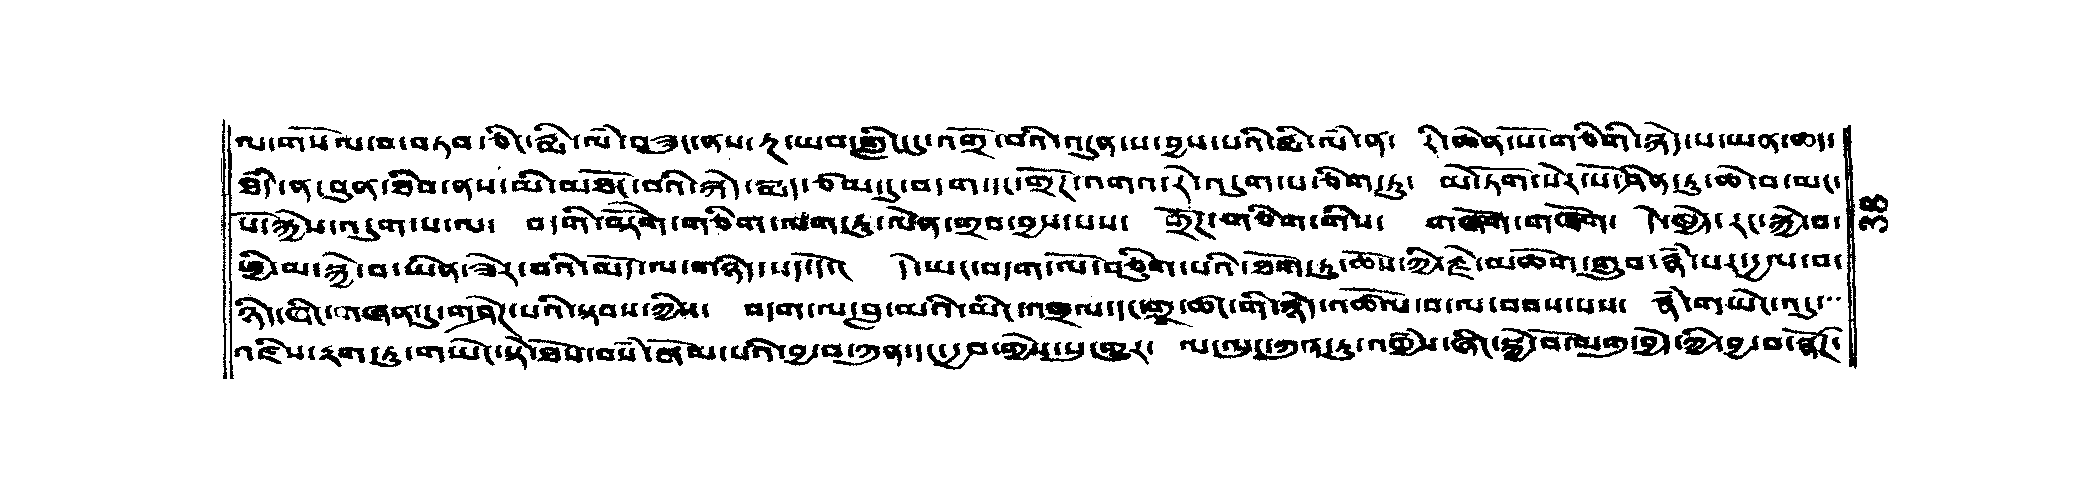ལ་གསོལ་བ་བཏབ་ཅིང་རྨི་ལམ་བཟུང་ནས་རྔ་ཡབ་གླིང་དུ་འགྲོ་བའི་འདུན་པ་བྱས་པའི་རྨི་ལམ་ན། རི་ཆེན་པོ་གཅིག་གི་སྐེད་པ་ཡན་ཆད་
ཐམས་ཅད་ན་བུན་ཐིབས་ནས་མི་མཐོང་བའི་སྐེད་སྨད་ཙམ་དུ་བདག་དང་གྲོགས་འགའ་རེ་འདུག་པ་གཅིག་ཏུ། མེ་ཏོག་སེར་པོ་ཤིན་ཏུ་ཆེ་བ་མང་
པོ་སྐྱེས་འདུག་པ་ལ། བདག་གི་མེ་ཏོག་གཅིག་ལག་ཏུ་ལེན་གྲབ་བྱས་པས། གྲོགས་གཅིག་གིས། གཞོག་གཞོག དེ་ཁྱེད་རང་སྐྱེ་བ་
ཕྱི་མ་སྐྱེ་བ་ཡིན་ཟེར་བའི་མོད་ལ་གཉིད་སད་དོ།དེ་ཡང་བདག་ལོ་བཅུ་གཅིག་པའི་ཐོག་ཏུ་ཆོས་ཀྱི་རྗེ་མཆོག་གྲུབ་རྣམ་པར་རྒྱལ་བ་
ཉིད་ཞིང་གཞན་དུ་གཤེགས་པའི་སྟབས་ཀྱིས། བདག་ལ་བླ་མའི་མིང་འཁྲལ་དང་གྲྭ་ཚང་གི་རྙེད་འཚོལ་བ་ལ་བབས་པས། རྣམ་གཡེང་འདུ་
འཛིས་རྟག་ཏུ་གཡེང་སྟེ་ཐོས་བསམ་སྒོམ་པའི་བྱ་བ་ཀུན་དང་རྒྱབ་གྱེས་སུ་གྱུར། ལ་ལུང་ཀུན་ཏུ་འཁྱམས་ཞིང་སྐྱེ་བོ་མགུ་བྱེད་ཀྱི་བྱ་བ་སྣ་ཚོགས་